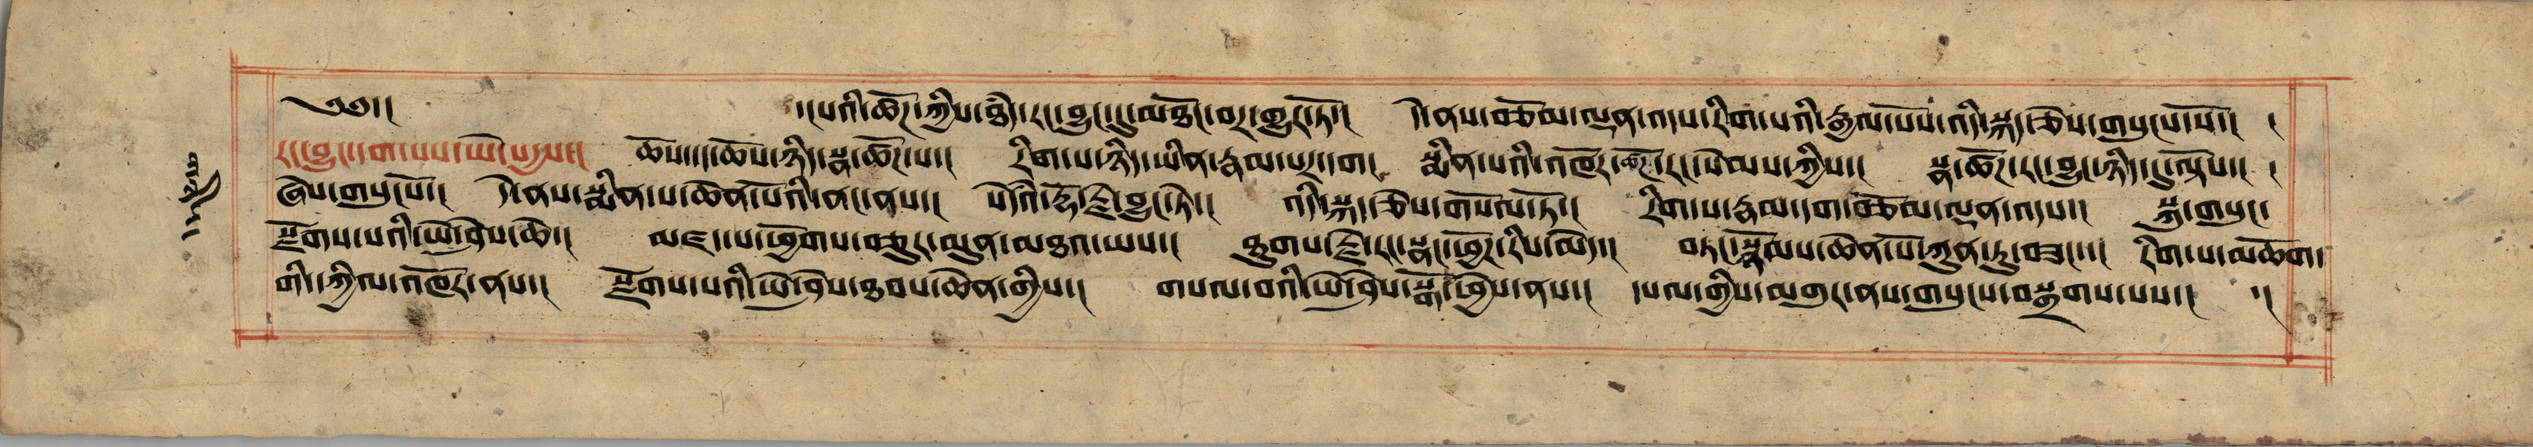༄༅་། ་།པའི་ཚོཌ་ཀྱིས་ཐཾད་རང་བྱུང་དུ་མཐོང་བར་གྱུར་ཏོ་། དེ་ནས་བཅོམ་ལྡན་འདས་རིག་པའི་རྒྱལ་པོས་འདི་སྐད་ཅེས་གསུངས་སོ་།
རང་བྱུང་དག་པས་ཡེ་སདྱས་། ཆོས་དང་ཆོས་ཉིད་སྣ་ཚོཌ་པ་། རིག་པ་ཉིད་ཡིན་རྣམ་པར་དག། སྨིན་པའི་འཁོར་ཚོཌ་རང་སེམས་ཀྱིས་། སྣ་ཚོཌ་རང་བྱུང་ཉིད་དུ་ལྟོས་།
ཞེས་གསུངསོ་། དེ་ནས་སྨིན་པ་ཆེན་པོའི་ནང་ནས་། སེཾདའ་རྡོ་རྗེ་བྱུང་ཏེ་། འདི་སྐད་ཅེས་གསོལ་ཏོ་། རིག་པ་རྣམ་དག་བཅོམ་ལྡན་འདས་། སྐུ་གསུང་
སྫོགས་པའི་ཡེ་ཤེས་ཆེ་། མཛད་པ་ཕྱོགས་བཅུར་མུན་མཐའ་པས་། ཐུགས་རྗེ་རང་སྣང་ཕྱོཌ་རིས་མེད་། བཏང་སྙོམས་ཆེན་པོ་ཀུན་ཏུ་བཟང་་། རིག་པ་མཆོག
གི་དཀྱིལ་འཁོར་ནས་། སྫོགས་པའི་ཡེ་ཤེས་ཐབས་ཆེན་གྱིས་། གསལ་བའི་ཡེ་ཤེས་སྒོ་ཕྱེས་ནས་། དཔལ་གྱིས་མགུར་ནས་གསུངས་བསྒྲགས་པས་། ་།